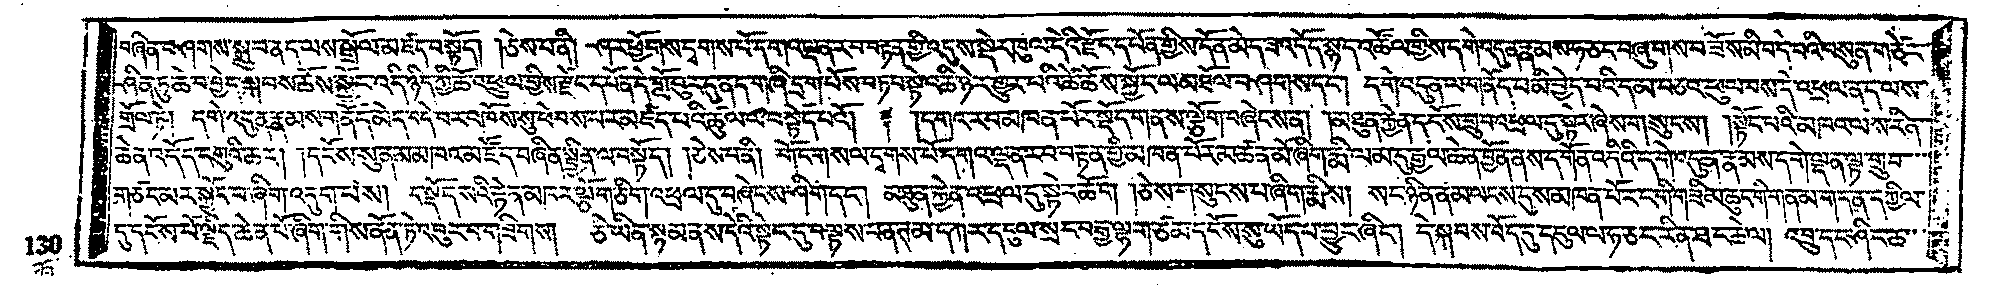བཞིན་བཤགས་སྒྲུབ་ནད་ལས་སྒྲོལ་མཛད་བསྟོད། །ཅེས་པ་ནི། ཤར་ཕྱོགས་དྭགས་པོ་དགའ་ལྡན་རབ་བརྟན་གྱི་འདུས་སྡེར་ཁུལ་དེའི་རྫོང་དཔོན་གྱིས་དོན་མེད་ཟ་འདོད་སྙད་འཚོལ་གྱིས་དགེ་འདུན་རྣམས་ཧ་ཅང་བཞུགས་བཟོས་མི་བདེ་བའི་བསུན་གཙེར་
ཤིན་ཏུ་ཆེ་བ་བྱེད་སྐབས་ཆོས་སྐྱོང་འདི་ཉིད་ཀྱི་ཆོ་འཕྲུལ་གྱིས་རྫོང་དཔོན་དེ་གློ་བུར་དུ་ནད་གཞི་དྲག་པོས་བཏབ་སྟེ་འཆི་ཉེར་གྱུར་པའི་ཚེ་ཆོས་སྐྱོང་ལ་མཐོལ་བཤགས་དང་། དགེ་འདུན་ལ་གནོད་པ་མི་བྱེད་པའི་དམ་བཅའ་ཕུལ་བས་དེ་འཕྲལ་ནད་ལས་
གྲོལ་ཏེ། དགེ་འདུན་རྣམས་གནོད་མེད་བདེ་བར་འཁོས་སུ་ཕེབས་པར་མཛད་པའི་ཚུལ་ལ་བསྟོད་པའོ། ༈ །དགའ་རབ་མཁན་པོར་སྡོད་གནས་ལྕོག་བཞེངས་ན། །མཐུན་རྐྱེན་དངོས་གྲུབ་འཕྲལ་དུ་སྟེར་ཞེས་གསུངས། །སྟོང་པའི་མཁའ་ལས་རིན་
ཆེན་འདོད་དགུའི་ཆར། །དངོས་སུ་ནམ་མཁའ་མཛོད་བཞིན་སྦྱིན་ལ་བསྟོད། །ཅེས་པ་ནི། གོང་གསལ་དྭགས་པོ་དགའ་ལྡན་རབ་བརྟན་གྱི་མཁན་པོར་མཚན་མོ་ཞིག་རྨི་ལམ་དུ་རྒྱལ་ཆེན་བྱོན་ནས་དགོན་འདིའི་དགེ་འདུན་རྣམས་དགེ་ལྡན་ལྟ་གྲུབ་
གཙང་མར་སྐྱོང་བ་ཞིག་འདུག་པས། ང་སྡོད་སའི་རྟེན་མཁར་ལྕོག་ཅིག་འཕྲལ་དུ་བཞེངས་ཤིག་དང་། མཐུན་རྐྱེན་འཕྲལ་དུ་སྟེར་ཆོ་ག །ཅེས་གསུངས་པ་ཞིག་རྨིས། སང་ཉིན་ནམ་ལངས་དུས་མཁན་པོ་རང་གི་གཟིམ་ཆུང་གི་གནམ་གདན་དཀྱིལ་
དུ་དངོས་པོ་ལྗིད་ཆེན་པོ་ཞིག་གིས་ནོན་ཏེ་འབུར་བ་གཟིགས། ཅི་ཡིན་སྙམ་ནས་དེའི་སྟེང་དུ་བལྟས་པ་ན་ཊམ་དཀར་དངུལ་སྲང་བརྒྱ་ལྷག་ཙམ་དངོས་སུ་ཡོད་པ་བྱུང་ཞིང་། དེ་སྐབས་བོད་དུ་དངུལ་ལ་ཧ་ཅང་རིན་ཐང་ཆེ་ལ། འབྲུ་དང་ཤིང་ཆ་